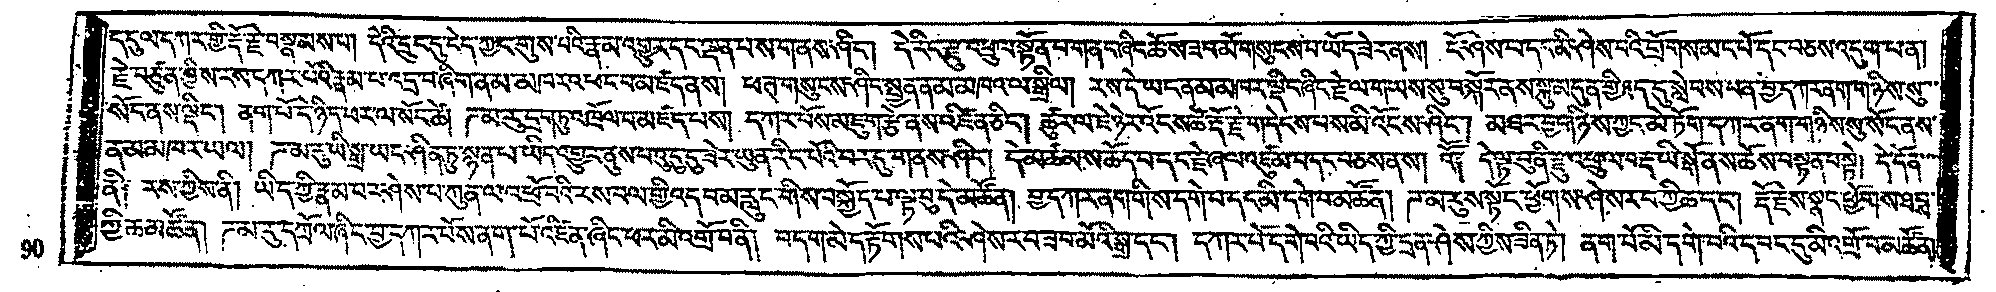དངུལ་དཀར་གྱི་རྡོ་རྗེ་བསྣམས་པ། དེའི་དྲུང་དུ་ངེད་ཀྱང་གུས་པའི་རྣམ་འགྱུར་དང་ལྡན་པས་གནས་ཤིང་། དེ་རིང་རྫུ་འཕྲུལ་སྟོན་པ་གནང་ཞིང་ཆོས་ཟབ་མོ་གསུངས་པ་ཡོད་ཟེར་ནས། ངོ་ཤེས་པ་དང་མི་ཤེས་པའི་གྲོགས་མང་པོ་དང་བཅས་འདུག་པ་ན།
རྗེ་བཙུན་གྱིས་རས་དཀར་པོའི་རྣམ་པ་འདྲ་བ་ཞིག་ནམ་མཁར་འཕང་བ་མཛད་ནས། ཕཊ་གསུངས་ཤིང་སྤྱན་ནམ་མཁའ་ལ་སྒྲིལ། རས་དེ་ཡང་ནམ་མཁར་ལྡིང་ཞིང་རྗེ་ལ་གཡས་སུ་བསྐོར་ནས་སྐུ་མདུན་གྱི་ཐད་དུ་སླེབས་པ་ན་བྱ་དཀར་ནག་གཉིས་སུ་
སོང་ནས་ལྡིང་། ནག་པོ་དེ་ཉིད་ཕར་ལ་སོང་ཚེ། ཌ་མ་རུ་དྲག་ཏུ་འཁྲོལ་བ་མཛད་པས། དཀར་པོས་མཇུག་རྩེ་ནས་འཛིན་ཅིང་། ཚུར་ལ་ཇེ་ཉེར་འོངས་ཚེ་རྡོ་རྗེ་གདེངས་པས་མི་འོངས་ཤིང་། མཐར་བྱ་གཉིས་ཀྱང་མེ་ཏོག་དཀར་ནག་གཉིས་སུ་སོང་ནས་
ནམ་མཁར་ཡལ། ཌ་མ་རུ་ཡི་སྒྲ་ཡང་ཤིན་ཏུ་སྙན་པ་ཡིད་འགྱུར་ནུས་པ་འུ་དུ་དུ་ཟེར་ཡུན་རིང་པོའི་བར་དུ་གནས་ཤིང་། དེ་མཚམས་ཆོད་པ་དང་རྗེ་ཞལ་འཛུམ་པ་དང་བཅས་ནས། འཽ༑ དེ་ལྟ་བུ་ནི་རྫུ་འཕྲུལ་བརྡ་ཡི་སྒོ་ནས་ཆོས་བསྟན་པ་སྟེ། དེ་དོན་
ནི༑ རས་ཀྱིས་ནི། ཡིད་ཀྱི་རྣམ་པར་ཤེས་པ་ཀུན་ལ་འཕྲོ་བའི་རས་བལ་གྱི་འདབ་མ་རླུང་གིས་བསྐྱོད་པ་ལྟ་བུ་དེ་མཚོན། བྱ་དཀར་ནག་གིས་དགེ་བ་དང་མི་དགེ་བ་མཚོན། ཌ་མ་རུས་སྟོང་ཕྱོགས་ཤེས་རབ་ཀྱི་ཆ་དང་། རྡོ་རྗེས་སྣང་ཕྱོགས་ཐབས་
ཀྱི་ཆ་མཚོན། ཌ་མ་རུ་དཀྲོལ་ཞིང་བྱ་དཀར་པོས་ནག་པོ་འཛིན་ཞིང་ཕར་མི་འགྲོ་བ་ནི། བདག་མེད་རྟོགས་པའི་ཤེས་རབ་ཟབ་མོའི་སྒྲ་དང་། དཀར་པོ་དགེ་བའི་ཡིད་ཀྱི་དྲན་ཤེས་ཀྱིས་ཟིན་ཏེ། ནག་པོ་མི་དགེ་བའི་དབང་དུ་མི་འགྲོ་བ་མཚོན།